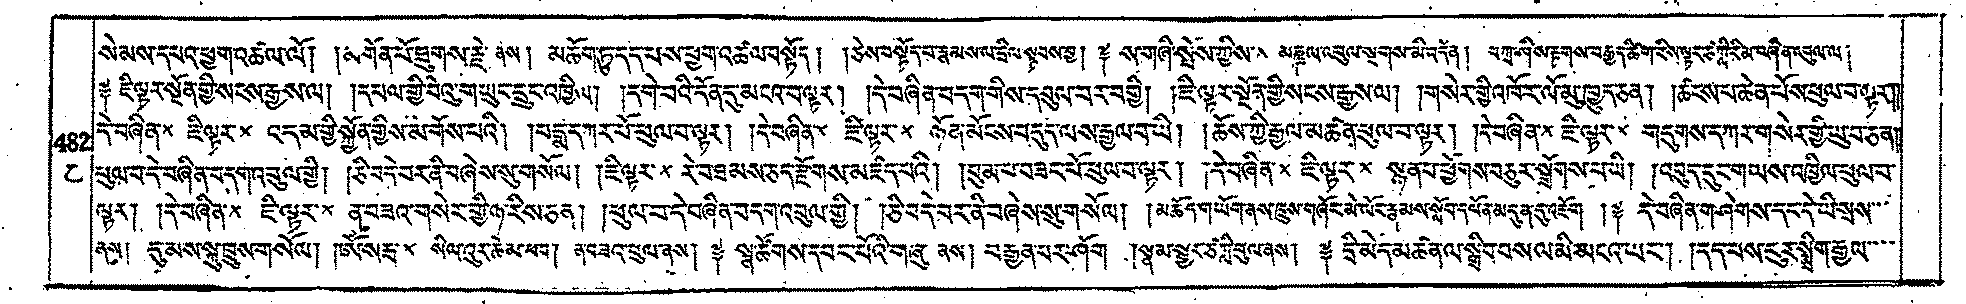སེམས་དཔའ་ཕྱག་འཚལ་ལོ། །མགོན་པོ་ཐུགས་རྗེ་ནས།  མཆོག་ཏུ་དད་པས་ཕྱག་འཚལ་བསྟོད། །ཅེས་བསྟོད་པ་རྣམས་ལ་དྲིལ་སྟབས་བྱ།  འ་ས་གཞི་སྤོས་ཀྱིས་྾་མཎྜལ་འབུལ་སྔགས་མི་འདོན། བཀྲ་ཤིས་རྟགས་བརྒྱད་ཚིག་རིས་ལྟར་ཙཀླི་རིམ་བཞིན་འབུལ་ལ།
འ་ཇི་ལྟར་སྔོན་གྱི་སངས་རྒྱས་ལ། །དཔལ་གྱི་བེའུ་གཡུང་དྲུང་འཁྱིལ། །དགེ་བའི་དོན་དུ་མངའ་བ་ལྟར། །དེ་བཞིན་བདག་གིས་དབུལ་བར་བགྱི། །ཇི་ལྟར་སྔོན་གྱི་སངས་རྒྱས་ལ། །གསེར་གྱི་འཁོར་ལོ་མུ་ཁྱུད་ཅན། །ཚངས་པ་ཆེན་པོས་ཕུལ་བ་ལྟར།།
དེ་བཞིན་྾་ཇི་ལྟར་྾་འདམ་གྱི་སྐྱོན་གྱིས་མ་གོས་པའི། །པདམ་དཀར་པོ་ཕུལ་བ་ལྟར། །དེ་བཞིན་྾་ཇི་ལྟར་྾་ཉོན་མོངས་བདུད་ལས་རྒྱལ་བ་ཡི། །ཆོས་ཀྱི་རྒྱལ་མཚན་ཕུལ་བ་ལྟར། །དེ་བཞིན་྾་ཇི་ལྟར་྾་གདུགས་དཀར་གསེར་གྱི་ཡུབ་བ་ཅན།།
ཕུལ་བ་དེ་བཞིན་བདག་འབུལ་གྱི། །ཅི་བདེ་བར་ནི་བཞེས་སུ་གསོལ། །ཇི་ལྟར་྾་རེ་བ་ཐམས་ཅད་རྫོགས་མཛད་པའི། །བུམ་པ་བཟང་པོ་ཕུལ་བ་ལྟར། །དེ་བཞིན་྾་ཇི་ལྟར་྾་སྙན་པ་ཕྱོགས་བཅུར་སྒྲོགས་པ་ཡི། །འབུད་དུང་གཡས་འཁྱིལ་ཕུལ་བ་
ལྟར། །དེ་བཞིན་྾་ཇི་ལྟར་྾་ན་བཟའ་གསེར་གྱི་ཉ་རིས་ཅན། །ཕུལ་བ་དེ་བཞིན་བདག་འབུལ་གྱི། །ཅི་བདེ་བར་བཞེས་སུ་གསོ། །མཆོད་གཡོག་ནས་ཁྲུས་གཞོང་མེ་ལོང་རྣམས་སློབ་དཔོན་མདུན་དུ་འཇོག་་འ་དེ་བཞིན་གཤེགས་དང་དེ་ཡི་སྲས་
ནས། དུ་མས་སྐུ་ཁྲུས་གསོལ། །ཨོཾ་སརྦ་྾་སིལ་འུར་ཆེམ་ཕབ། ན་བཟའ་ཕུལ་ནས།  འ་སྣ་ཚོགས་དབང་པོའི་གཞུ་ནས།  བརྒྱན་པར་ཤོག་།སྣམ་སྦྱར་ཙཀླི་ཕུལ་ནས།  འ་དྲི་མེད་མཚན་ལ་སྒྲིབ་བསལ་མི་མངའ་ཡང་། །དད་པས་ངུར་སྨྲིག་རྒྱལ་